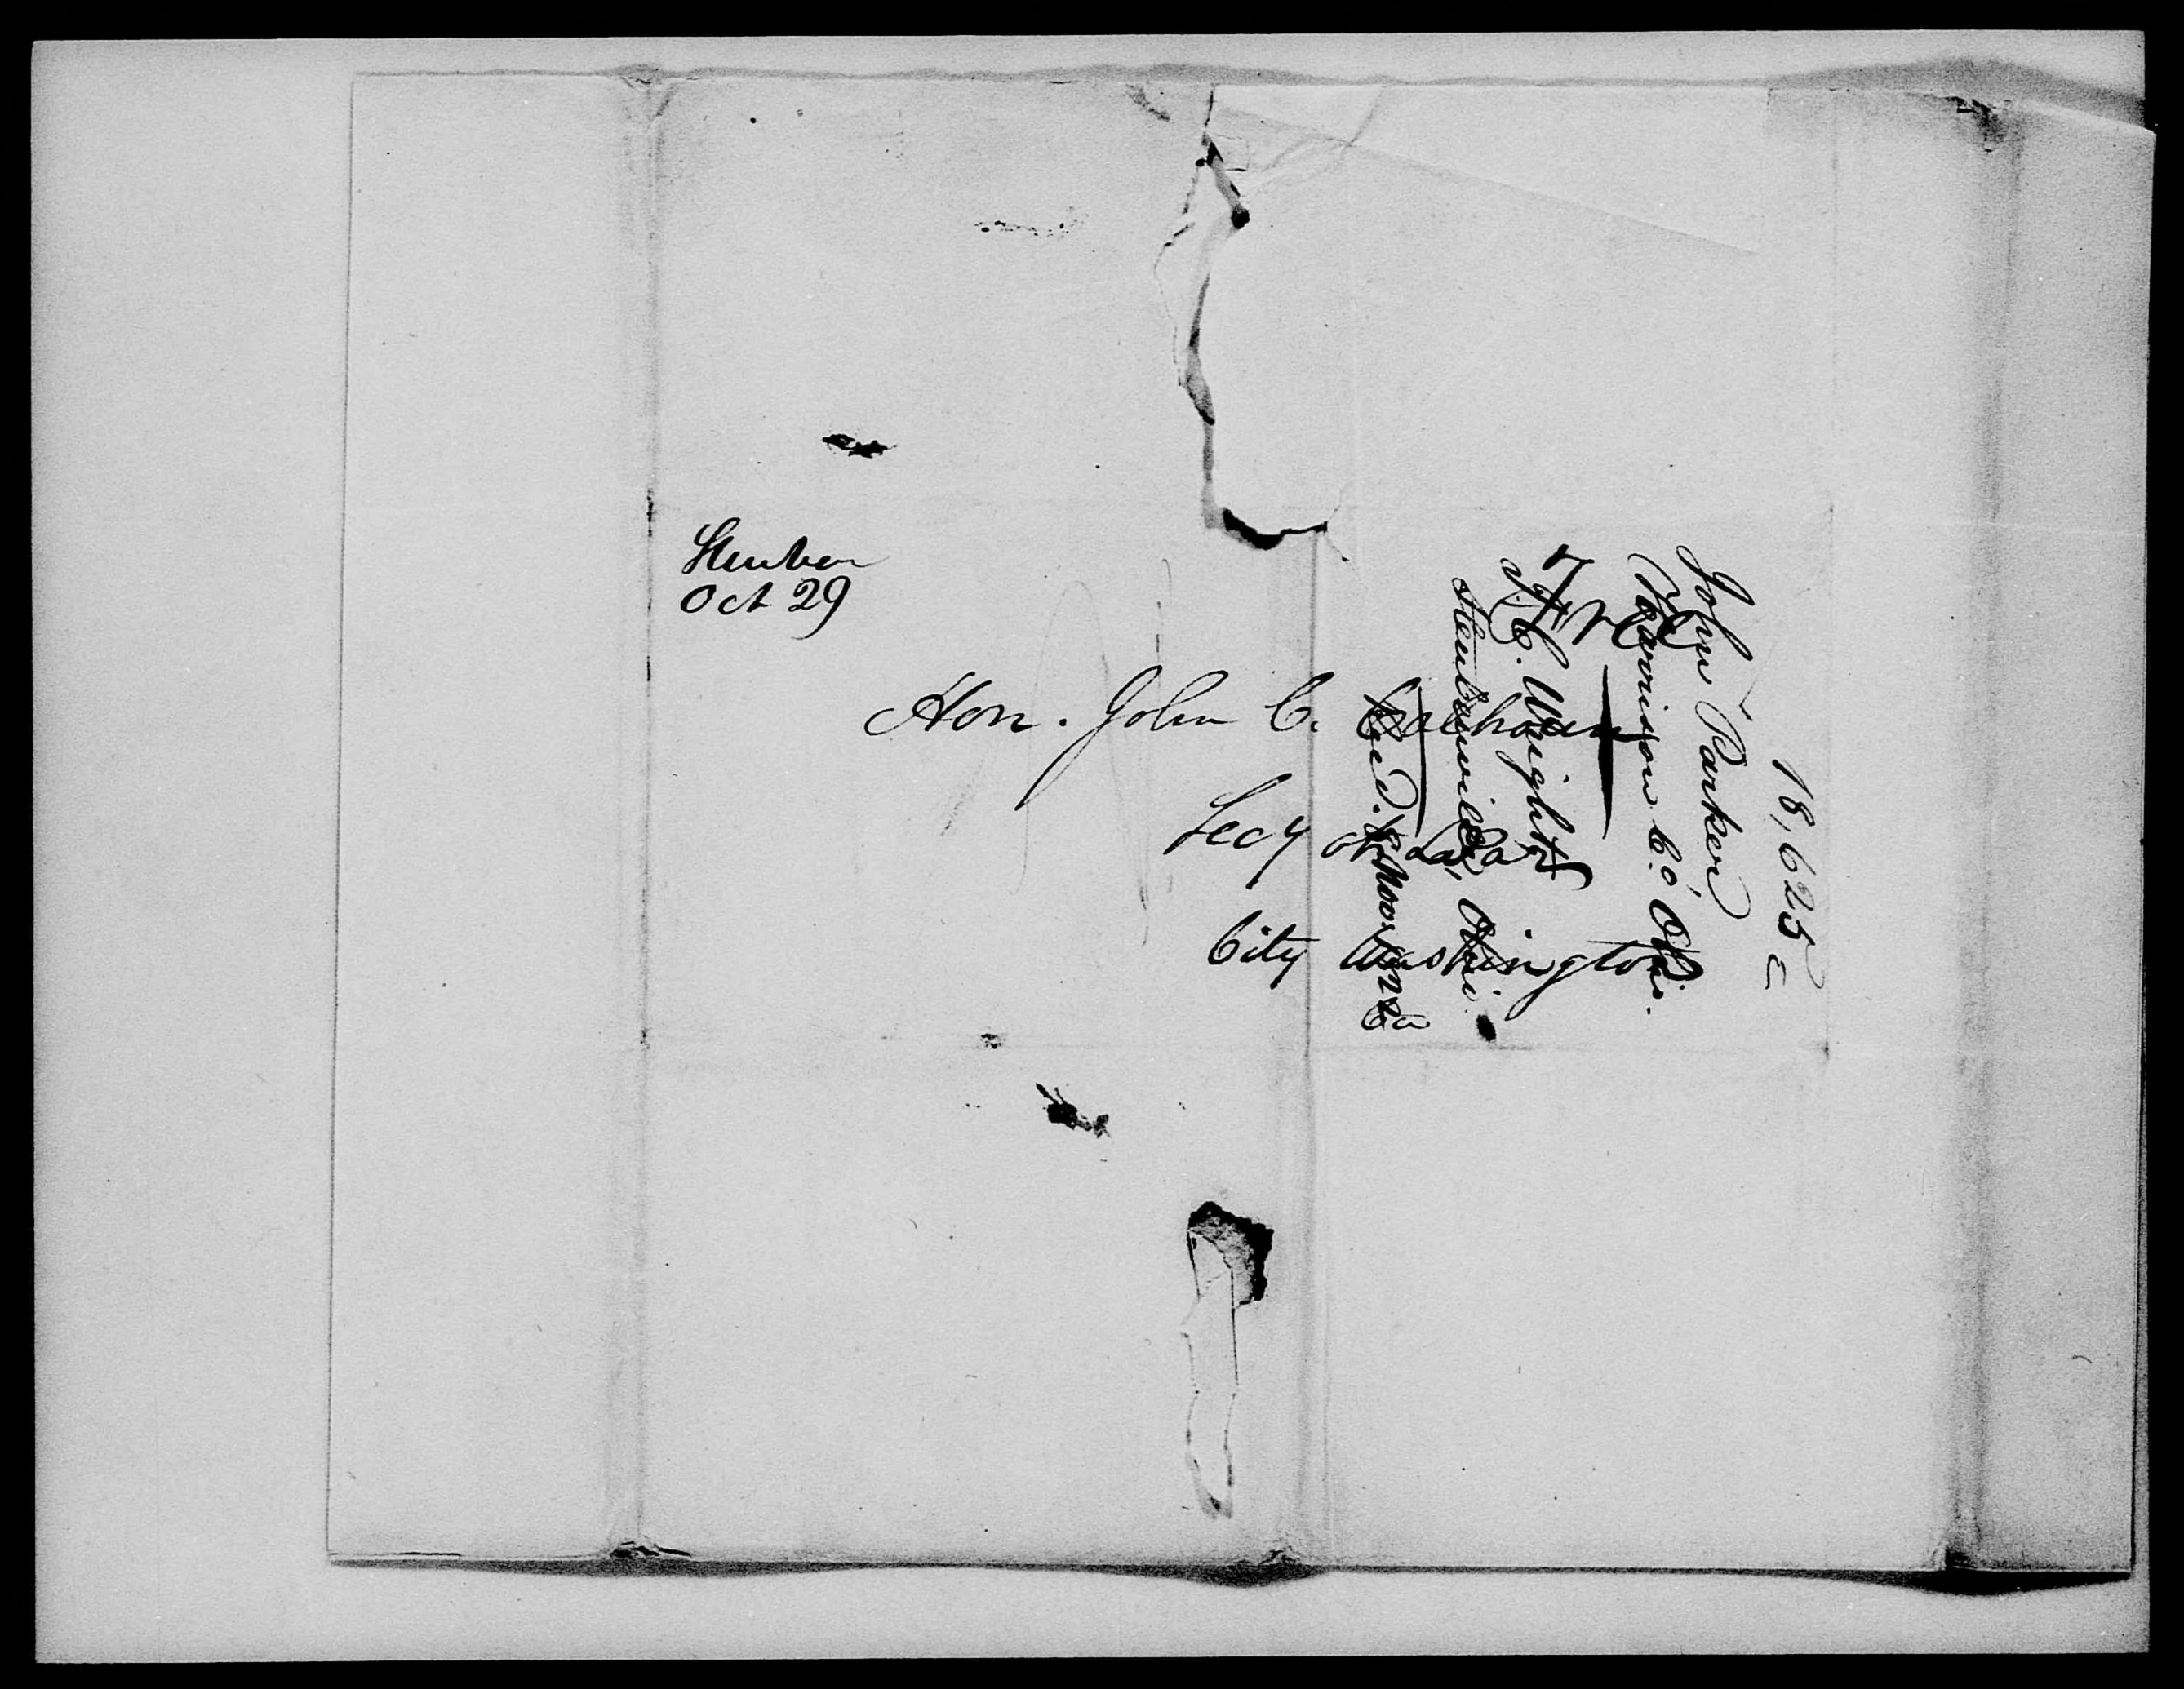[There are multiple items of text, some written on top of others.
The following is the addressee of a letter]

Steuben
Oct 29
Free
Hon John C. Calhoun
Sec. at War
City Washington

[The following is written on top of the address]
18, 625
John Parker
Harrison Co. Ohio

J.C. Wright
Steubenville, Ohio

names: J C Wright; John Parker; John C Calhoun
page: 22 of 40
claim: widow's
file: W. 3,588, for John Parker, Pennsylvania